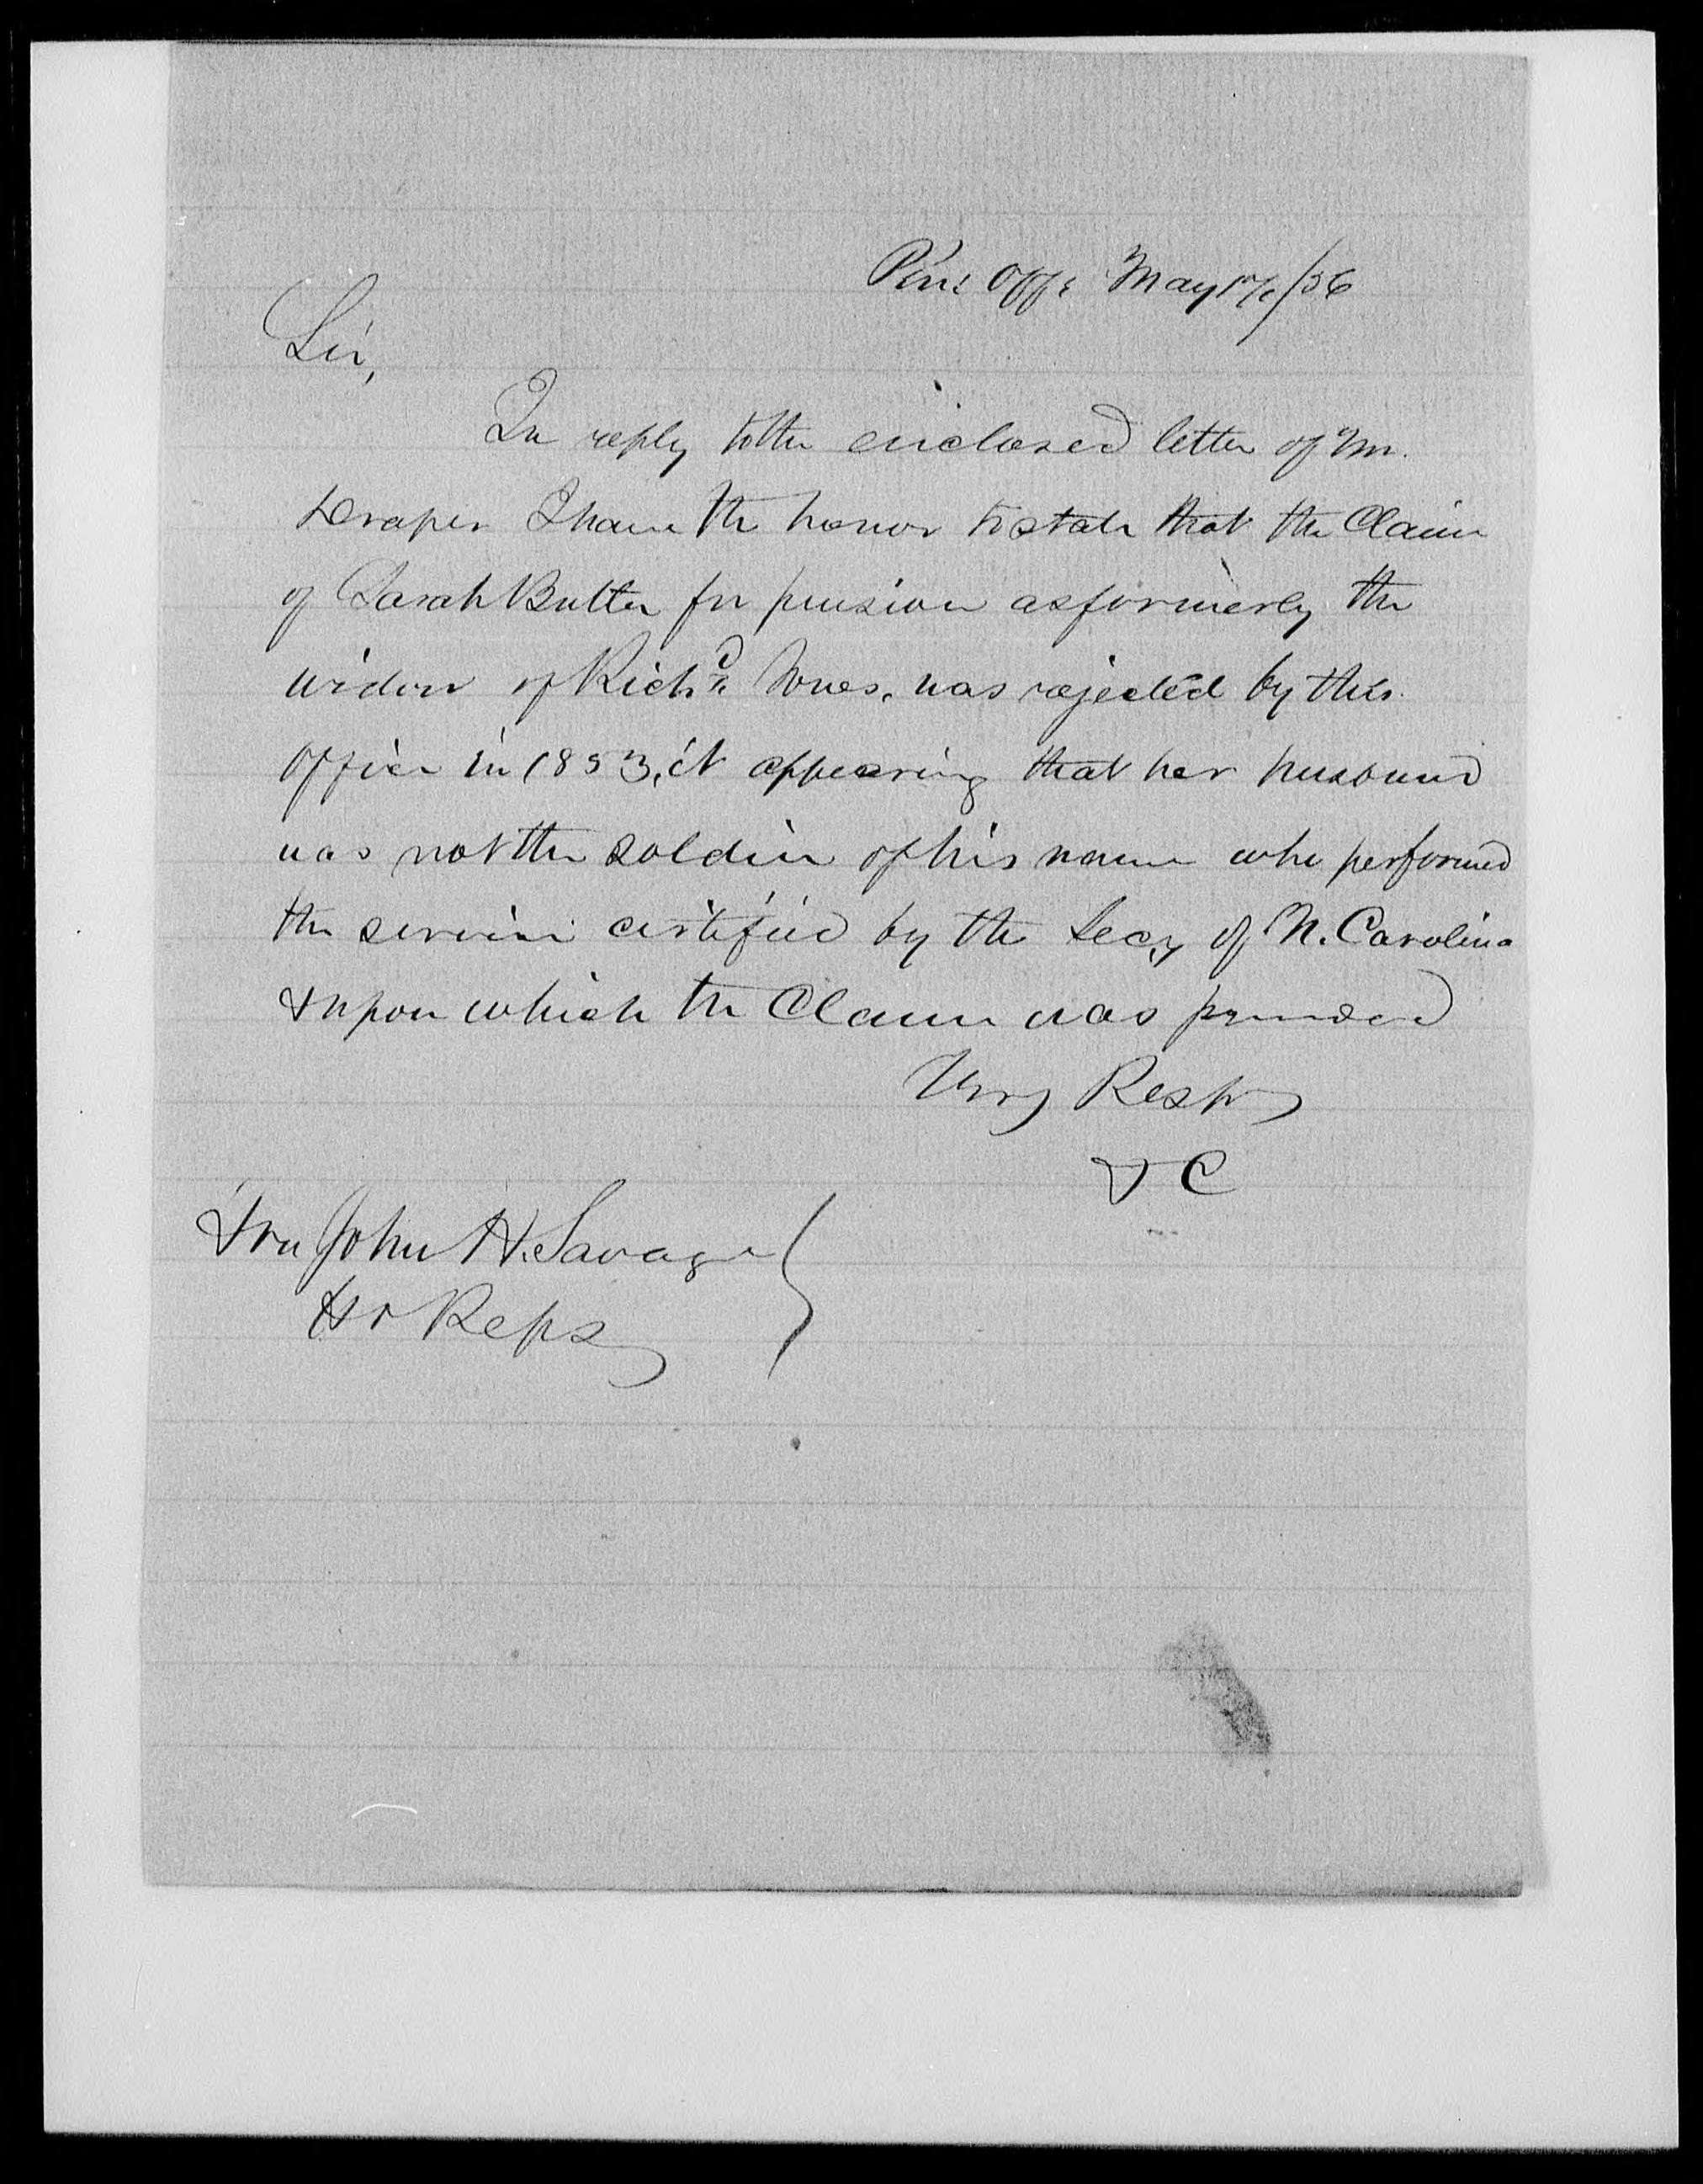Pens Office  May 17/56

Sir,

In reply to the enclosed letter of Mr.
Draper I have the honor to state that the claim 
of Sarah Butler for pension as formerly the 
widow of Rchd. Jones was rejected by this 
office in 1853, it appearing that her husband
was not the soldier of his name who performed
the services certified by the Secy of N. Carolina
& upon which the claim was [proven?/prosecuted?]

Very Respy
&c


Hon John H Savage
Ho Reps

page: 28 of 33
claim: rejected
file: R. 1554, for Richard Jones, North Carolina